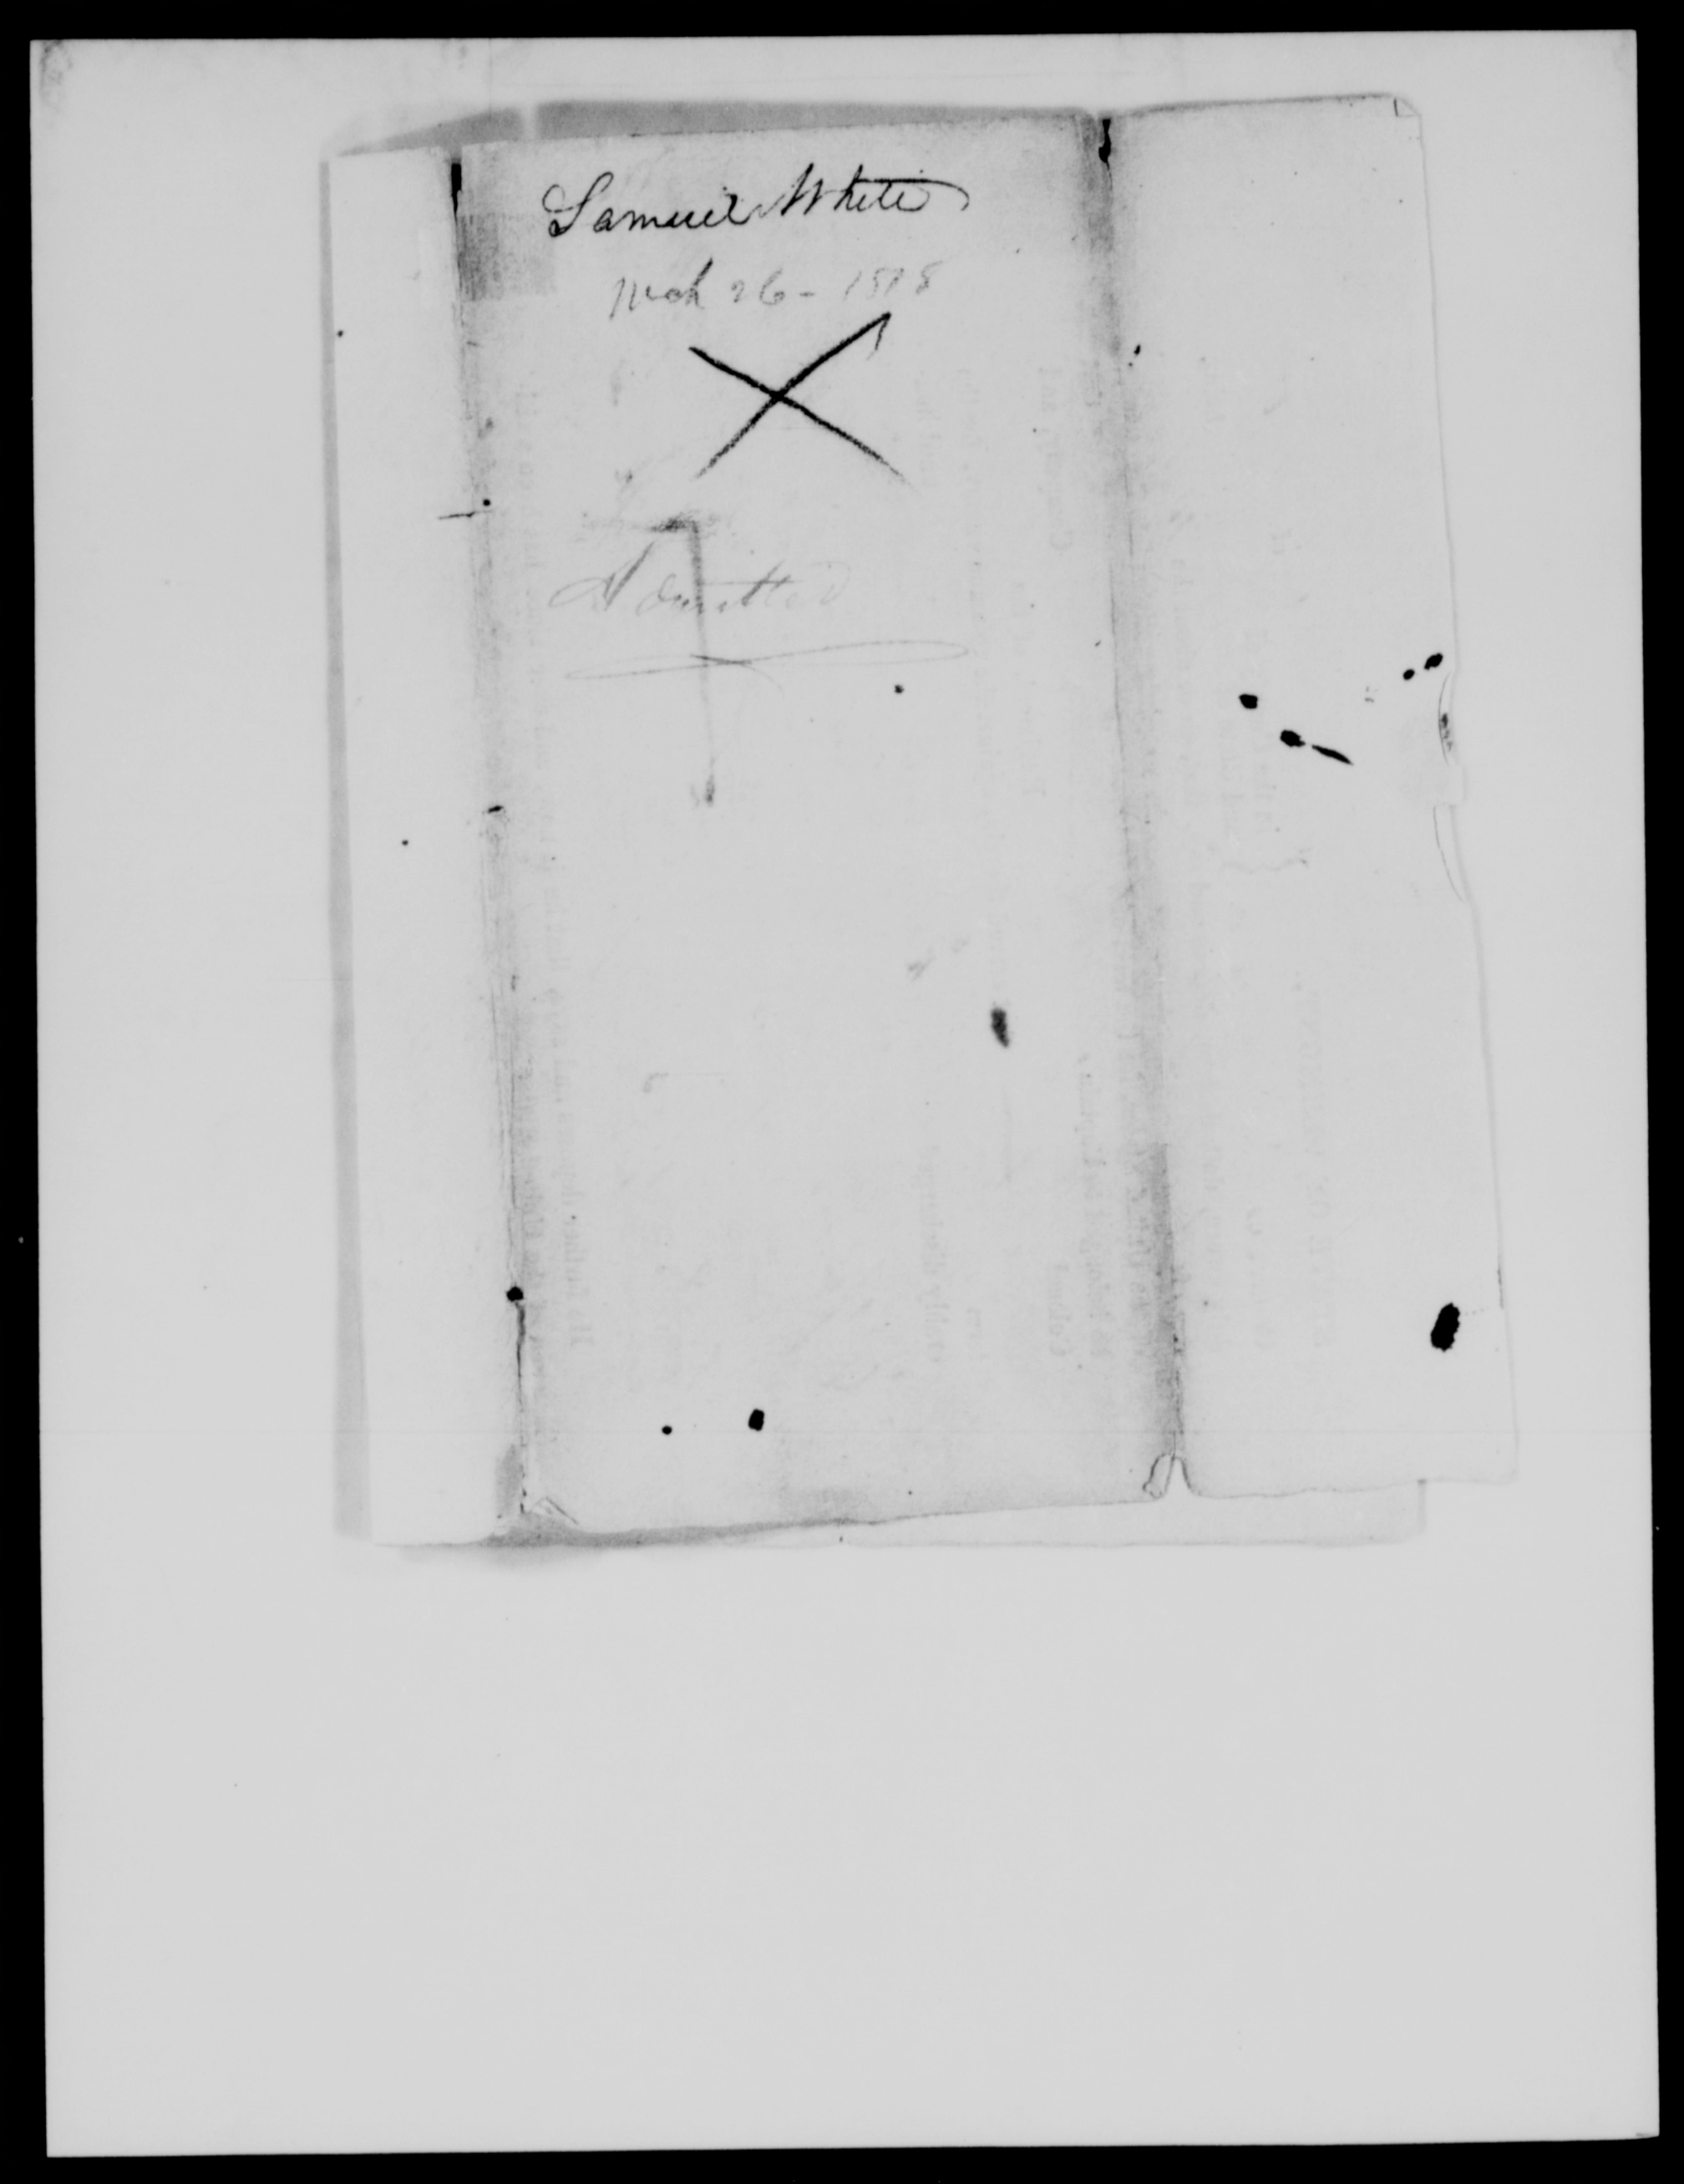Samuel White
Mch 26-1818

X

Admitted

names: Samuel White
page: 3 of 79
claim: survivor's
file: S. 11759, Samuel White, Mass.